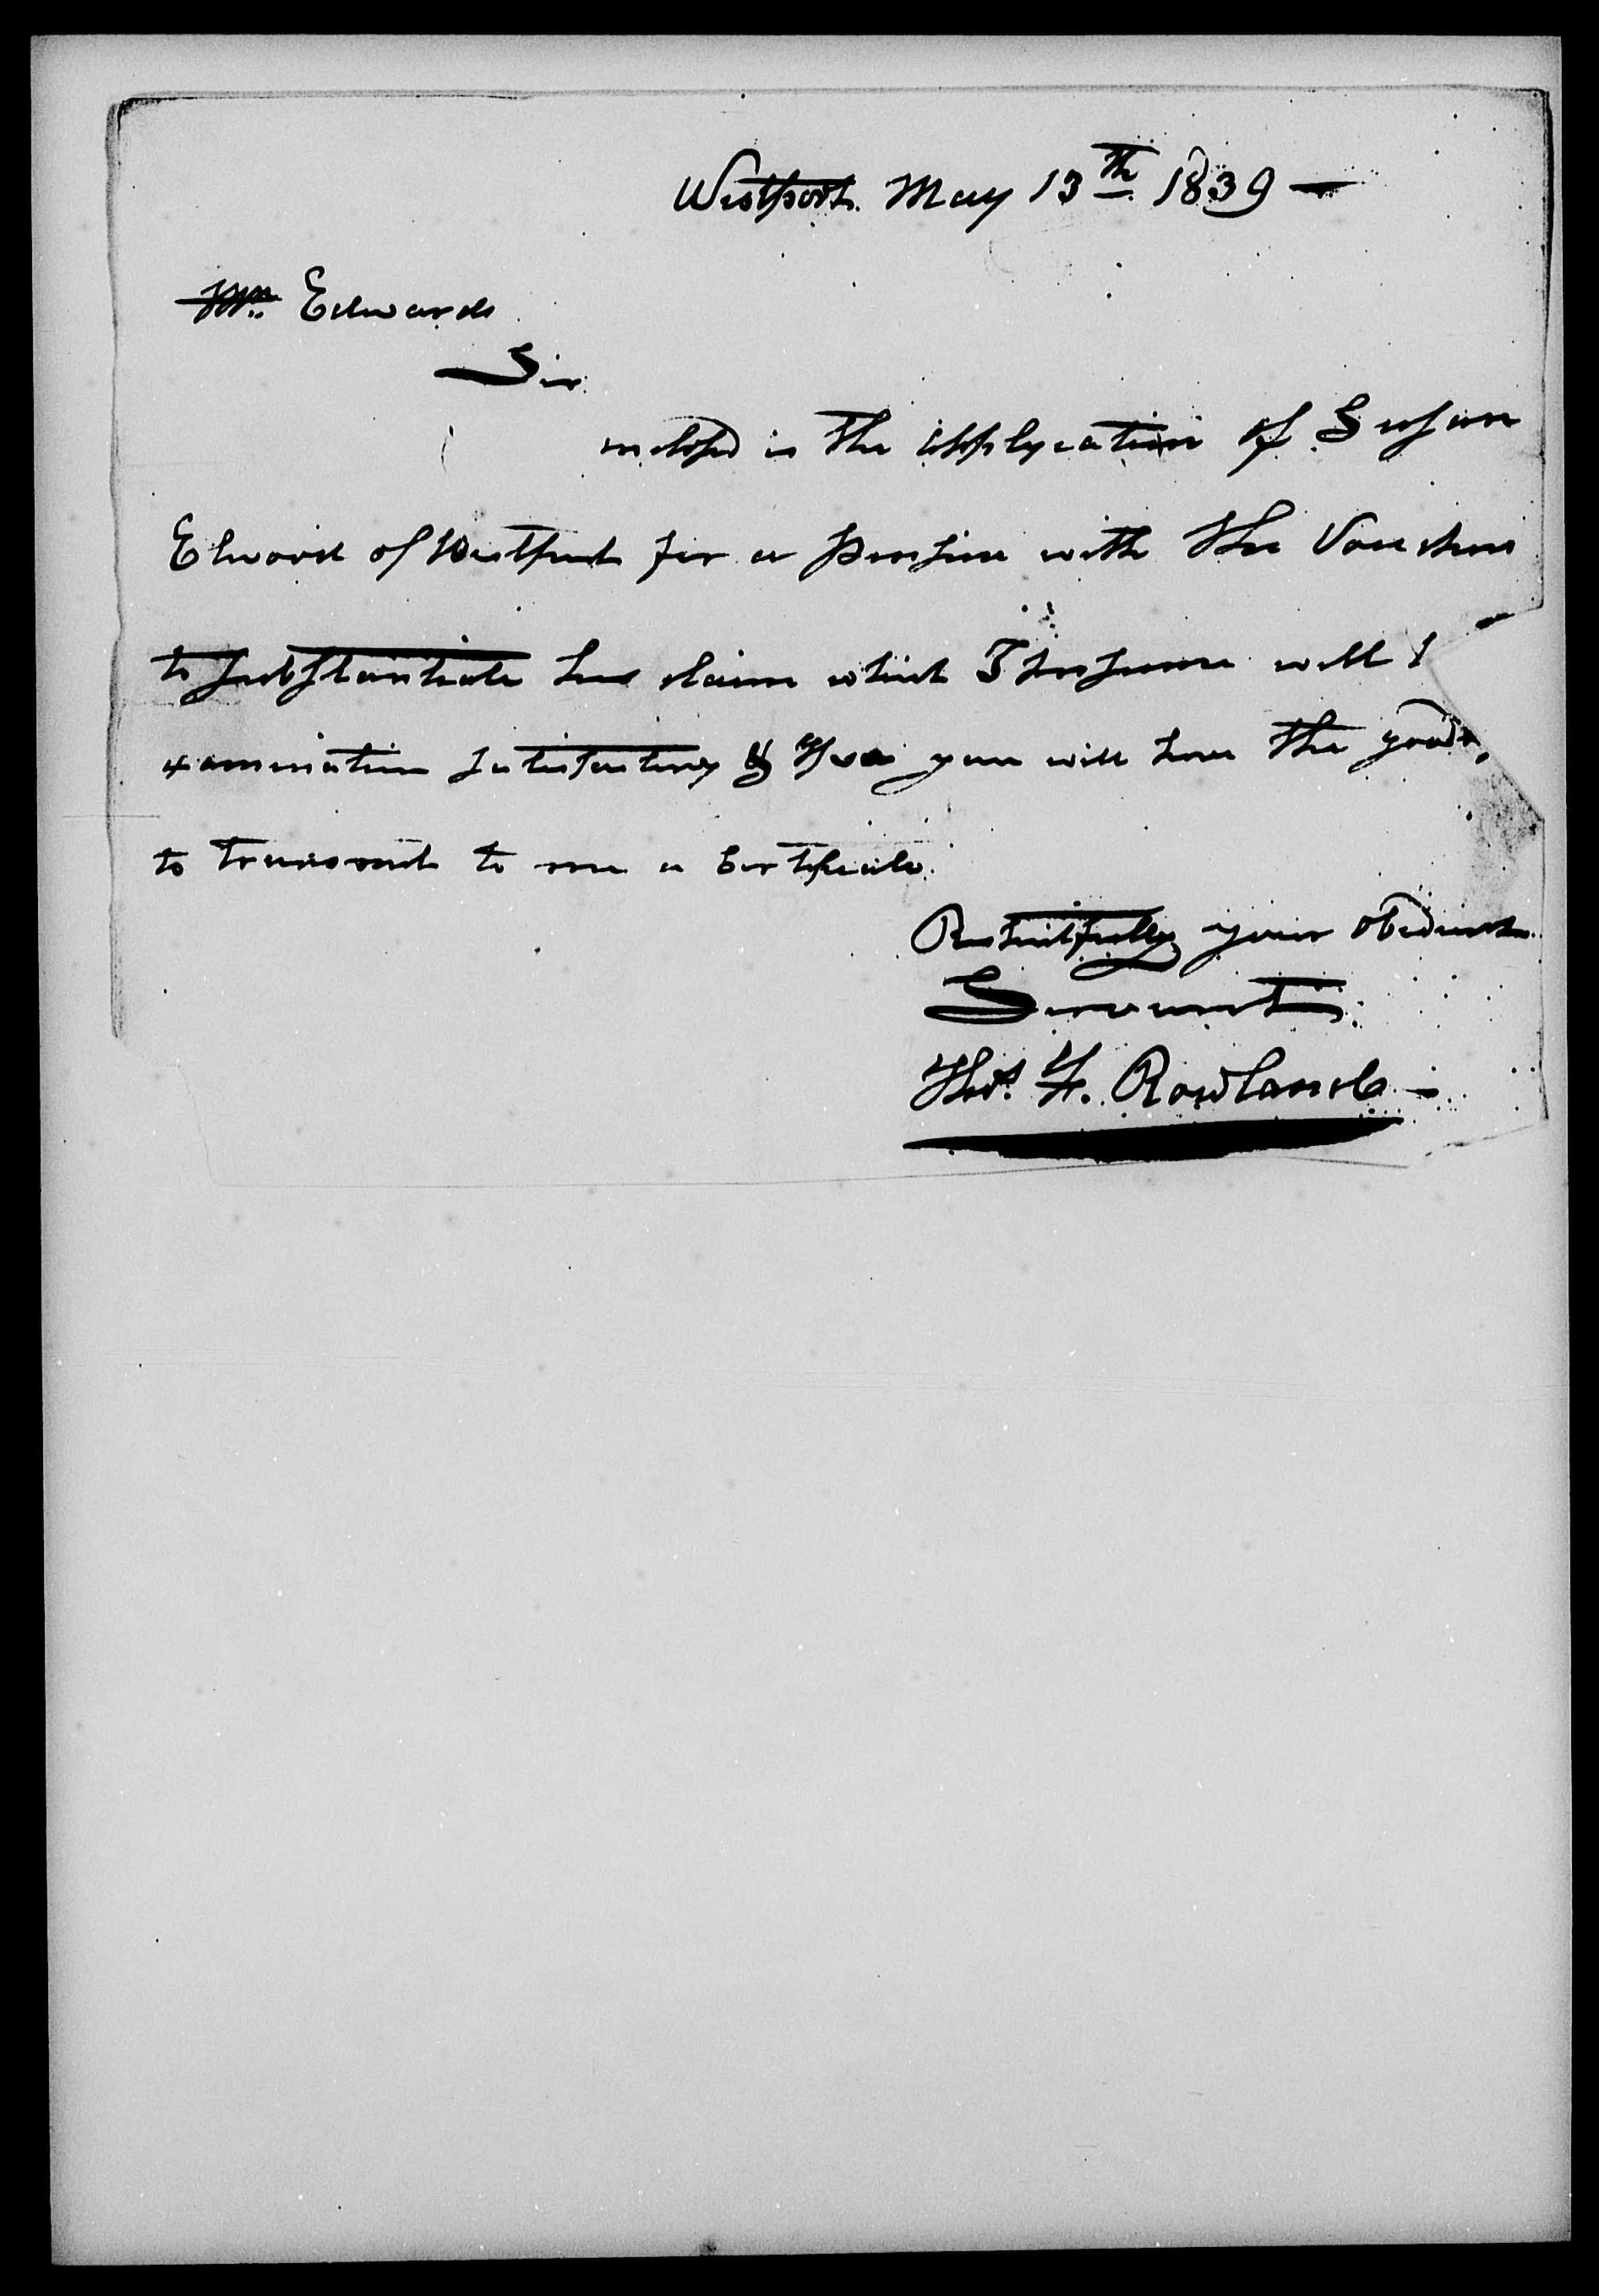Westport May 13th 1839

Mr. Edwards

Sir
Enclosed is the application of Susan Elwood of Westport for a pension with [illegible] to substantiate her claim which I presume will [cut off] examination of which you will have the goodness to transmit to me a certificate.
Respectfully your obt servant
Thos F. Rowlan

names: Thos F Rowlan, Susan Elwood, Wm Edwards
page: 13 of 69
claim: widow's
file: W. 25562, Abijah Elwood, Conn.